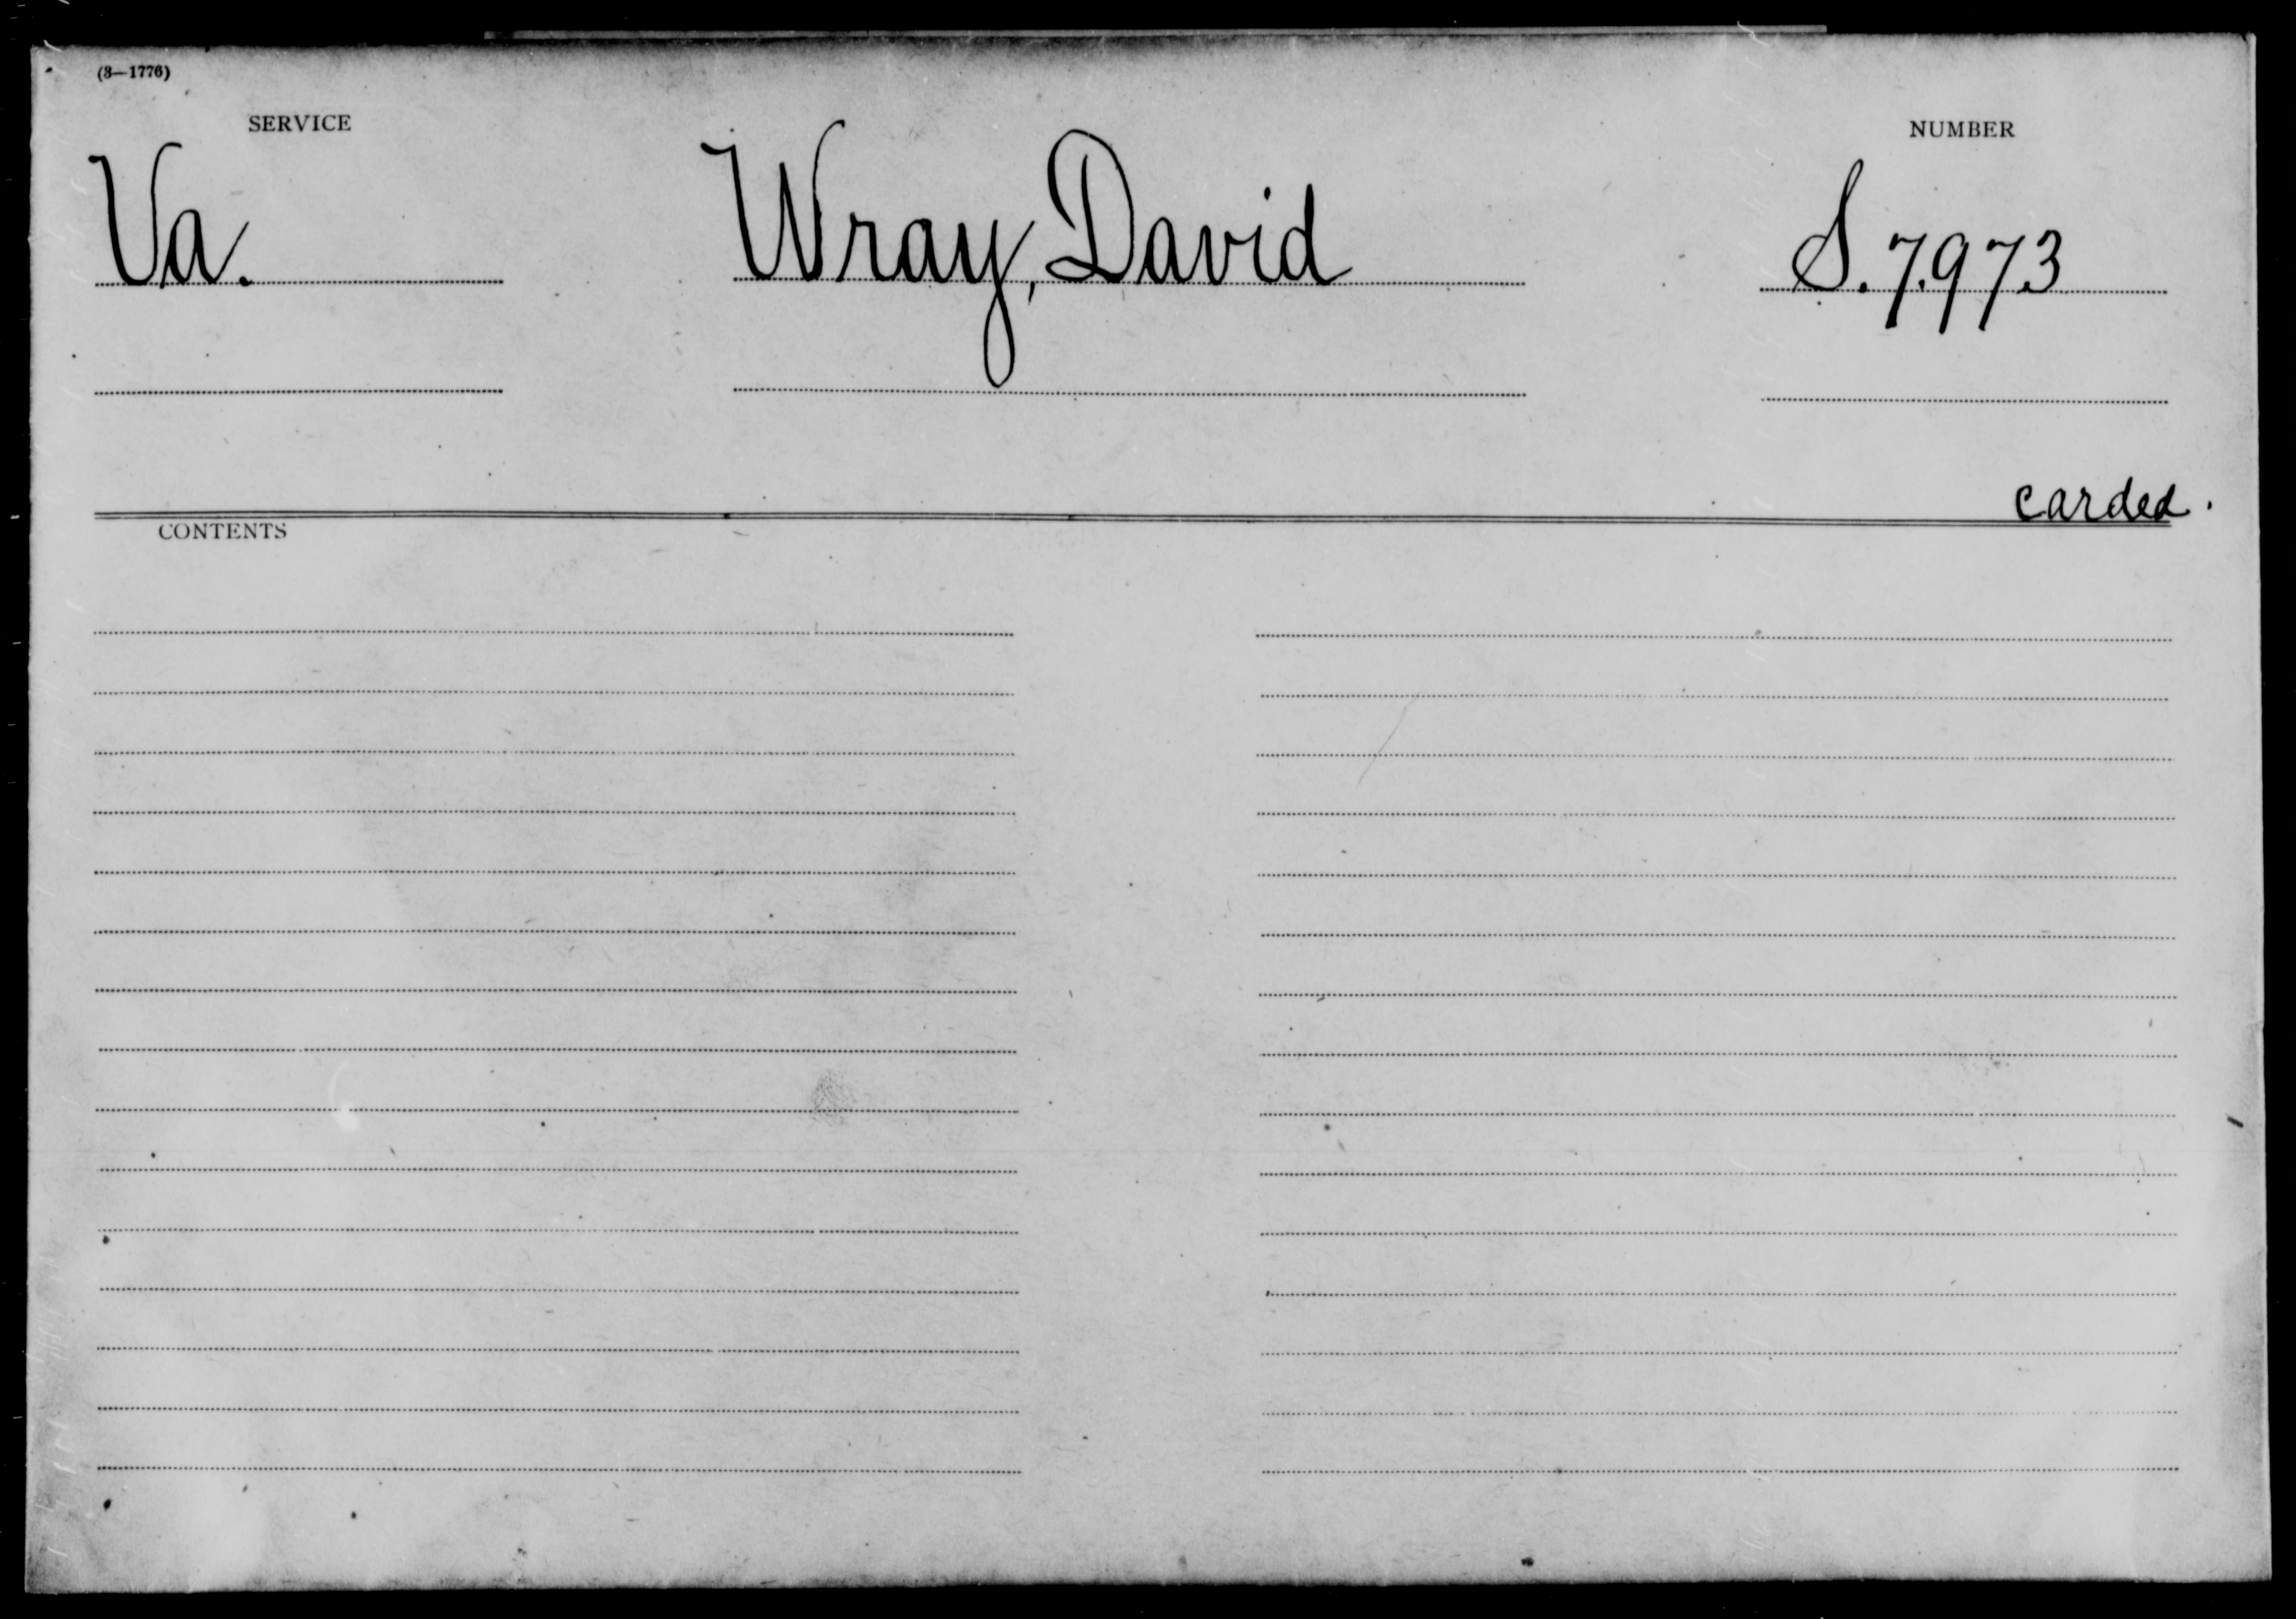[typed form, with handwritten response]
(3-1776)
SERVICE NUMBER
Va. Wray, David S.7,973
[second row is left blank]
carded.

CONTENTS
[all lines are left blank]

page: 1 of 19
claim: survivor's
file: S. 7,973, David Wray, Va.